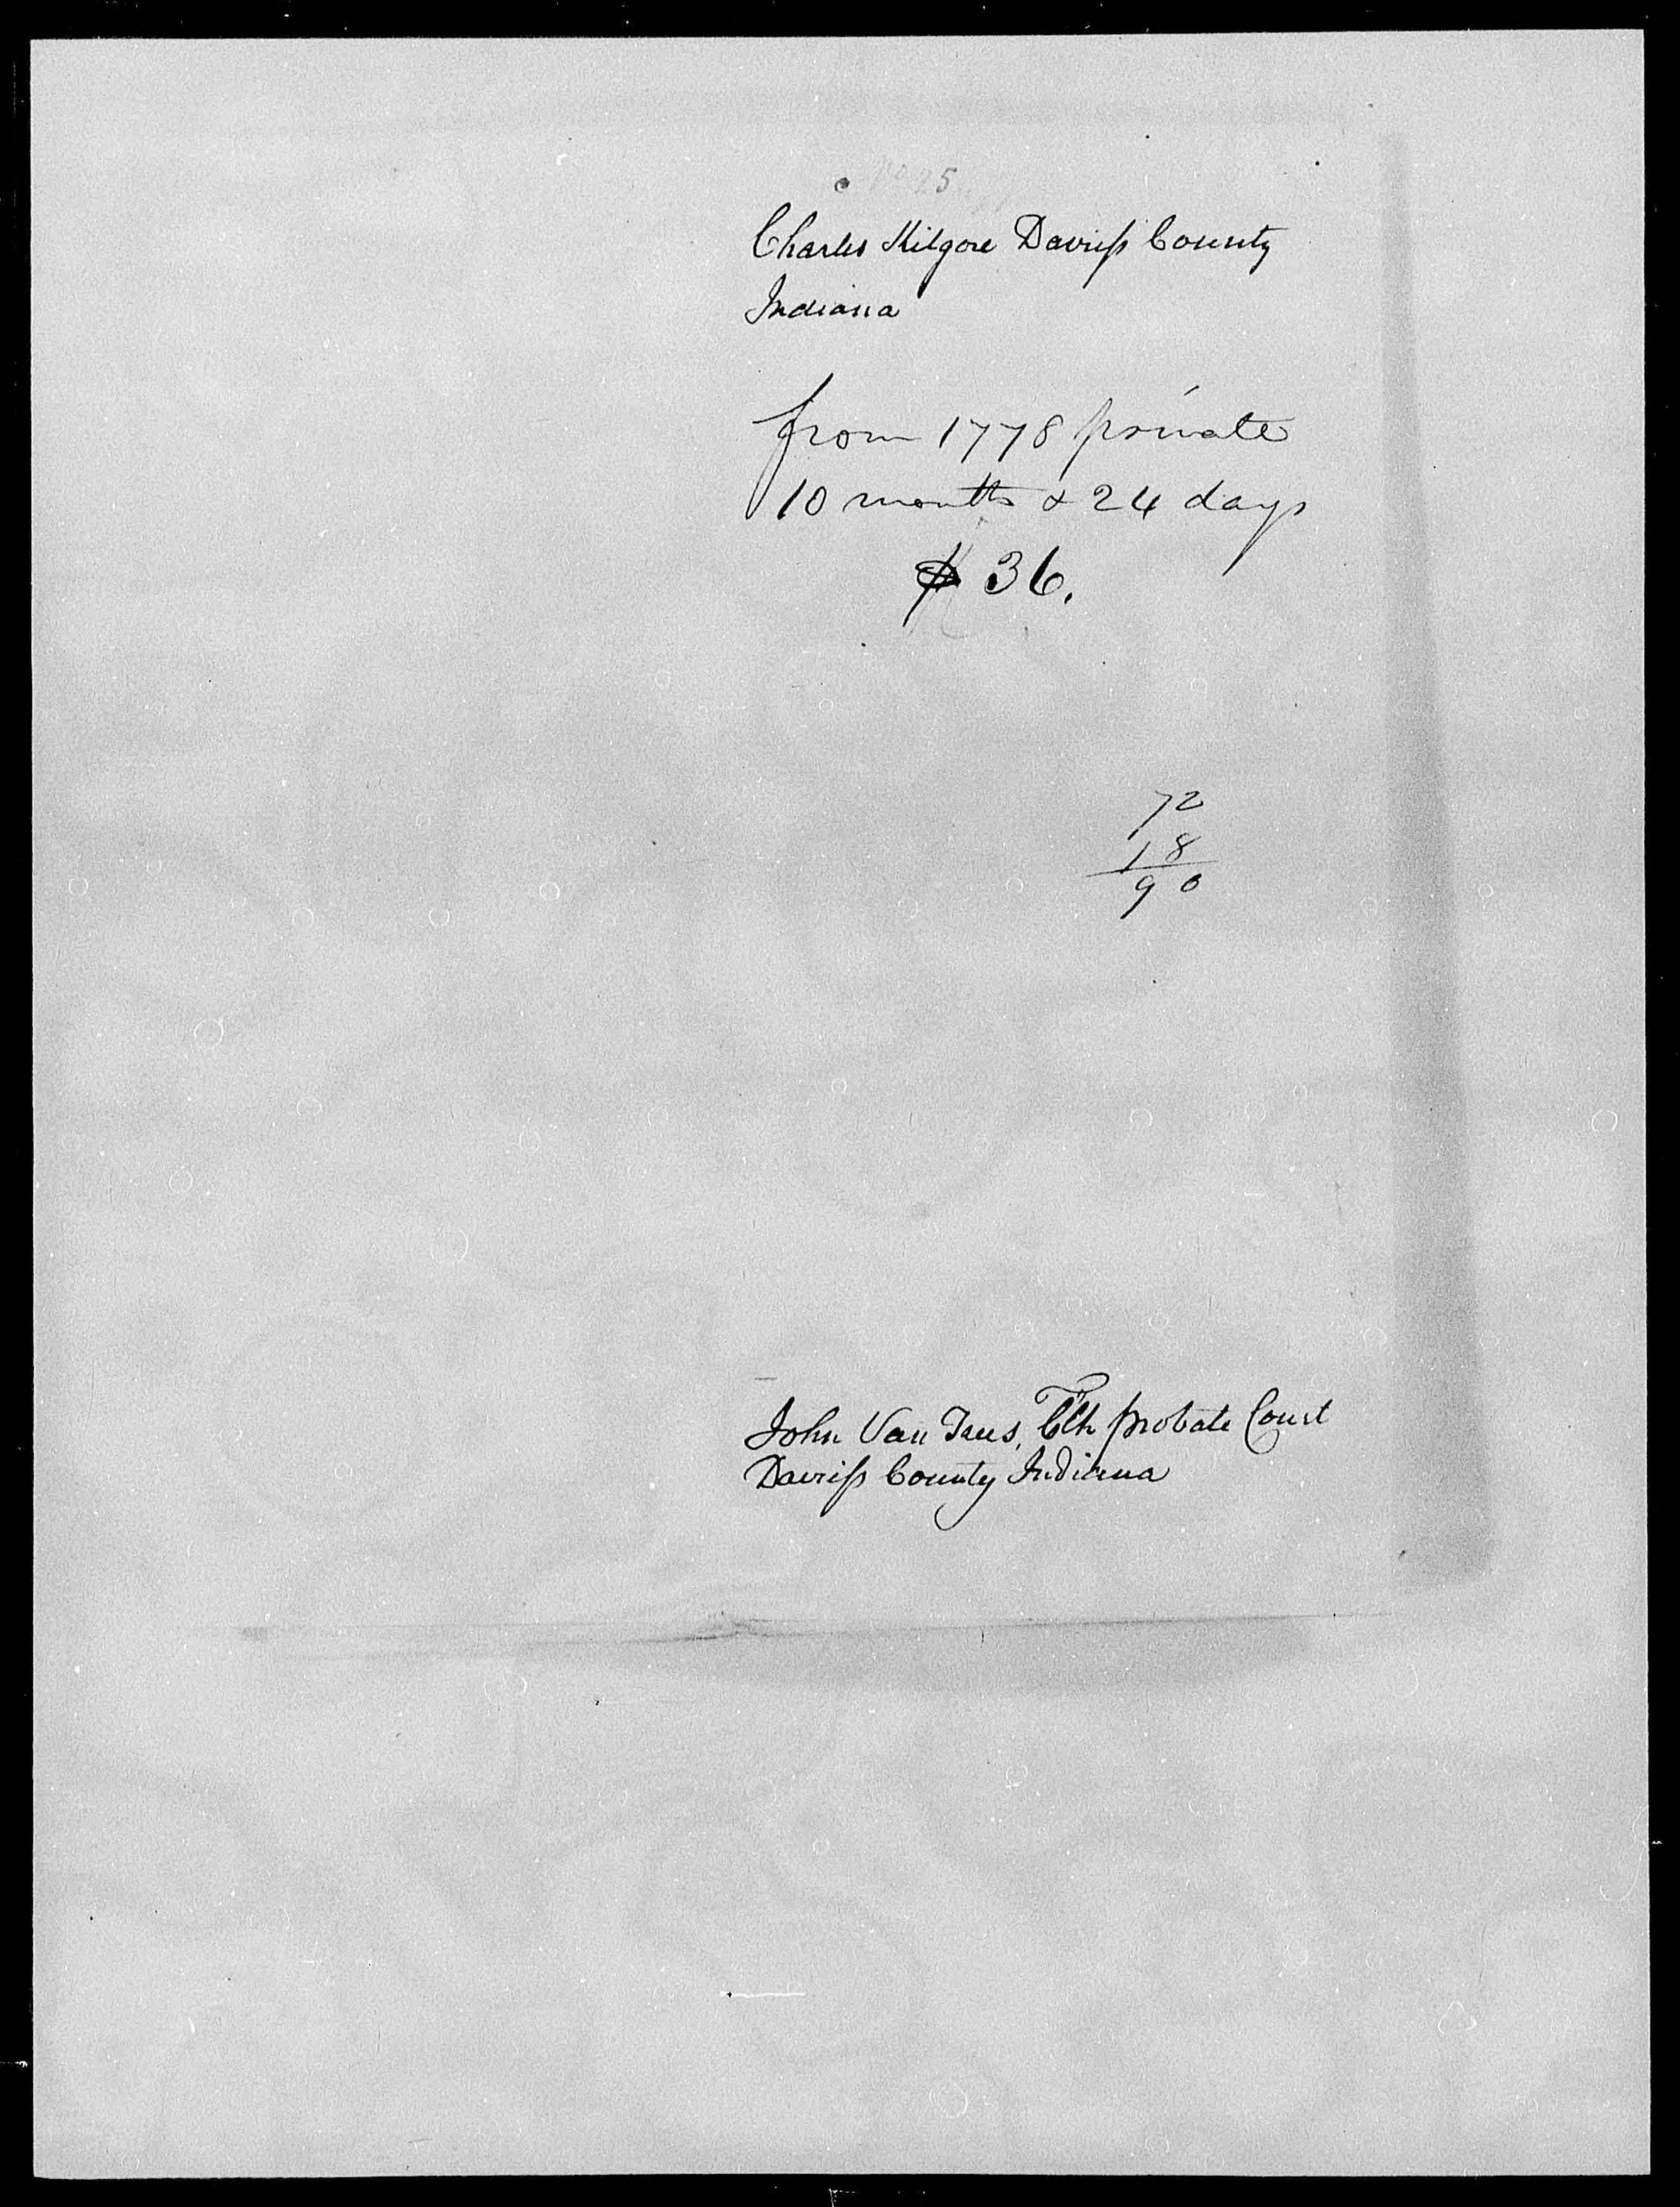No 25
Charles Kilgore Daviess County Indiana
from 1778 private
10 months & 24 days
$36.

72
18
90

John Van Taus, Clk Probate Court
Daviess County Indiana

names: John Van Trees; Charles Kilgore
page: 44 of 115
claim: survivor's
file: S. 699, for Charles Kilgore, Virginia